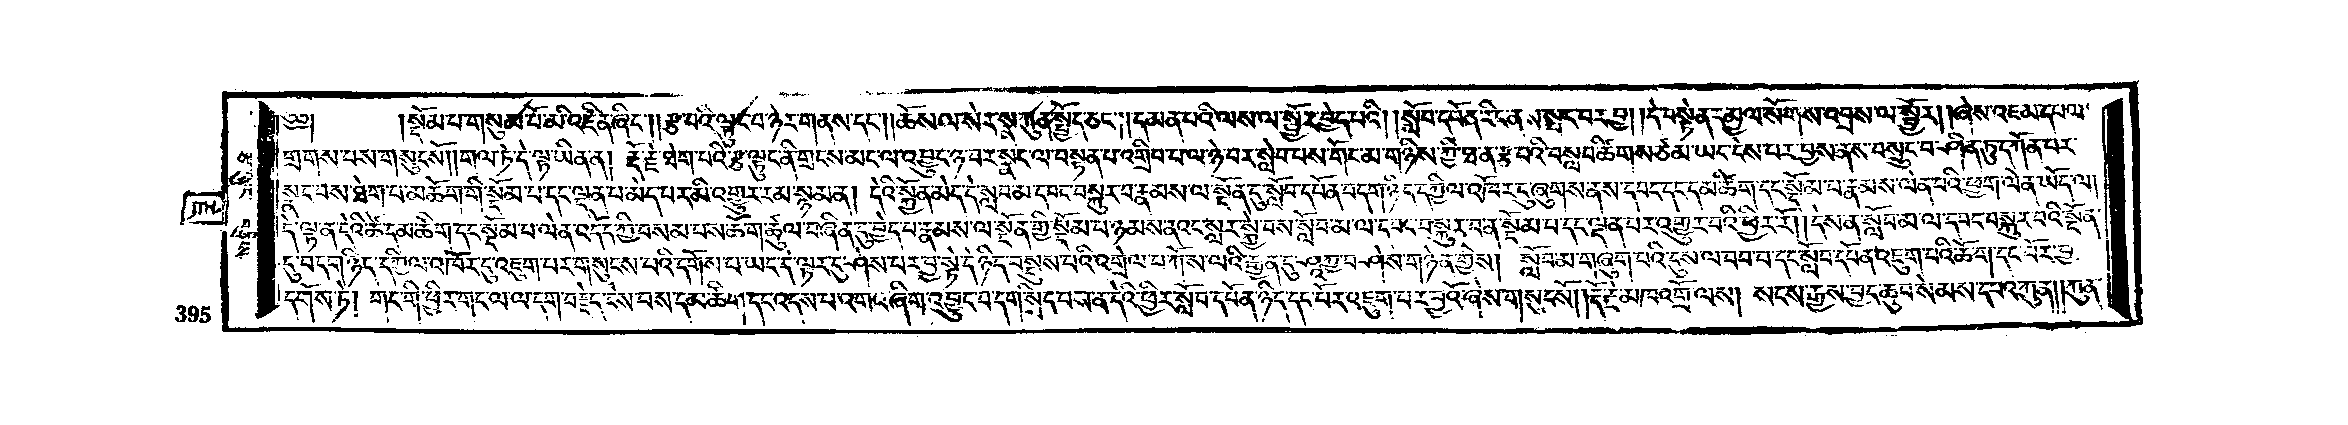༄༅། །སྡོམ་པ་གསུམ་པོ་མི་འཛིན་ཞིང་། །རྩ་བའི་ལྟུང་བ་ཉེར་གནས་དང་། །ཆོས་ལ་སེར་སྣ་ཀུན་སྤྱོད་ཅང་། །དམན་པའི་ལས་ལ་སྦྱོར་བྱེད་པའི། །སློབ་དཔོན་རིང་ནས་སྤང་བར་བྱ། །དེ་བསྟེན་དམྱལ་སོགས་འབྲས་ལ་སྦྱོར། །ཞེས་འཇམ་དཔལ་
གྲགས་པས་གསུངས་སོ། །གལ་ཏེ་དེ་ལྟ་ཡིན་ན། རྡོ་རྗེ་ཐེག་པའི་རྩ་ལྟུང་ནི་གྲངས་མང་ལ་འབྱུང་ཉ་བར་སྣང་ལ་བསྟན་པ་འགྲིབ་པ་ལ་ཉེ་བར་སླེབ་པས་གོང་མ་གཉིས་ཀྱི་ཐ་ན་རྩ་བའི་བསླབ་ཚིགས་ཙམ་ཡང་ངེས་པར་བྱས་ནས་བསྲུང་བ་ཤིན་ཏུ་དཀོན་པར་
སྣང་བས་ཐེག་པ་མཆོག་གི་སྡོམ་པ་དང་ལྡན་པ་མེད་པར་མི་འགྱུར་རམ་སྙམ་ན། དེའི་སྐྱོན་མེད་དེ་སླབ་མ་དབང་བསྐུར་བ་རྣམས་ལ་སྔོན་དུ་སློབ་དཔོན་བདག་ཉིད་དཀྱིལ་འཁོར་དུ་ཞུགས་ནས་དབང་དང་དམ་ཚིག་དང་སྡོམ་པ་རྣམས་ལེན་པའི་ཕྱག་ལེན་ཡོད་ལ།
དེ་ལྟ་ན་དེའི་ཚེ་དམ་ཚིག་དང་སྡོམ་པ་ལེན་འདོད་ཀྱི་བསམ་པས་ཆོ་ག་ཚུལ་བཞིན་དུ་བྱེད་པ་རྣམས་ལ་སྔོན་གྱི་སྡོམ་པ་ཉམས་ནའང་སླར་སྐྱེ་བས་སློབ་མ་ལ་དབང་བསྐུར་བ་ན་སྡོམ་པ་དང་ལྡན་པར་འགྱུར་བའི་ཕྱིར་རོ། །དེས་ན་སློབ་མ་ལ་དབང་བསྐུར་བའི་སྔོན་
དུ་བདག་ཉིད་དཀྱིལ་འཁོར་དུ་འཇུག་པར་གསུངས་པའི་དགོས་པ་ཡང་དེ་ལྟར་དུ་ཤེས་པར་བྱ་སྟེ་དེ་ཉིད་བསྡུས་པའི་འགྲེལ་པ་ཀོ་ས་ལའི་རྒྱན་དུ་ཤཱཀྱ་བཤེས་གཉེན་གྱིས། སློབ་མ་གཞུག་པའི་དུས་ལ་བབ་པ་དང་སློབ་དཔོན་འཇུག་པའི་ཆོ་ག་དང་པོར་བྱ་
དགོས་ཏེ། གང་གི་ཕྱིར་གང་ལ་ལ་དག་བརྗེད་ངེས་བས་དམ་ཚིག་དང་འདས་པ་འགའ་ཞིག་འབྱུང་བ་དག་སྲིད་པས་ན་དེའི་ཕྱིར་སློབ་དཔོན་ཉིད་དང་པོར་འཇུག་པར་བྱའོ་ཞེས་གསུངས་སོ། །རྡོ་རྗེ་མཁའ་འགྲོ་ལས། སངས་རྒྱས་བྱང་ཆུབ་སེམས་དཔའ་ཀུན། །ཀུན་